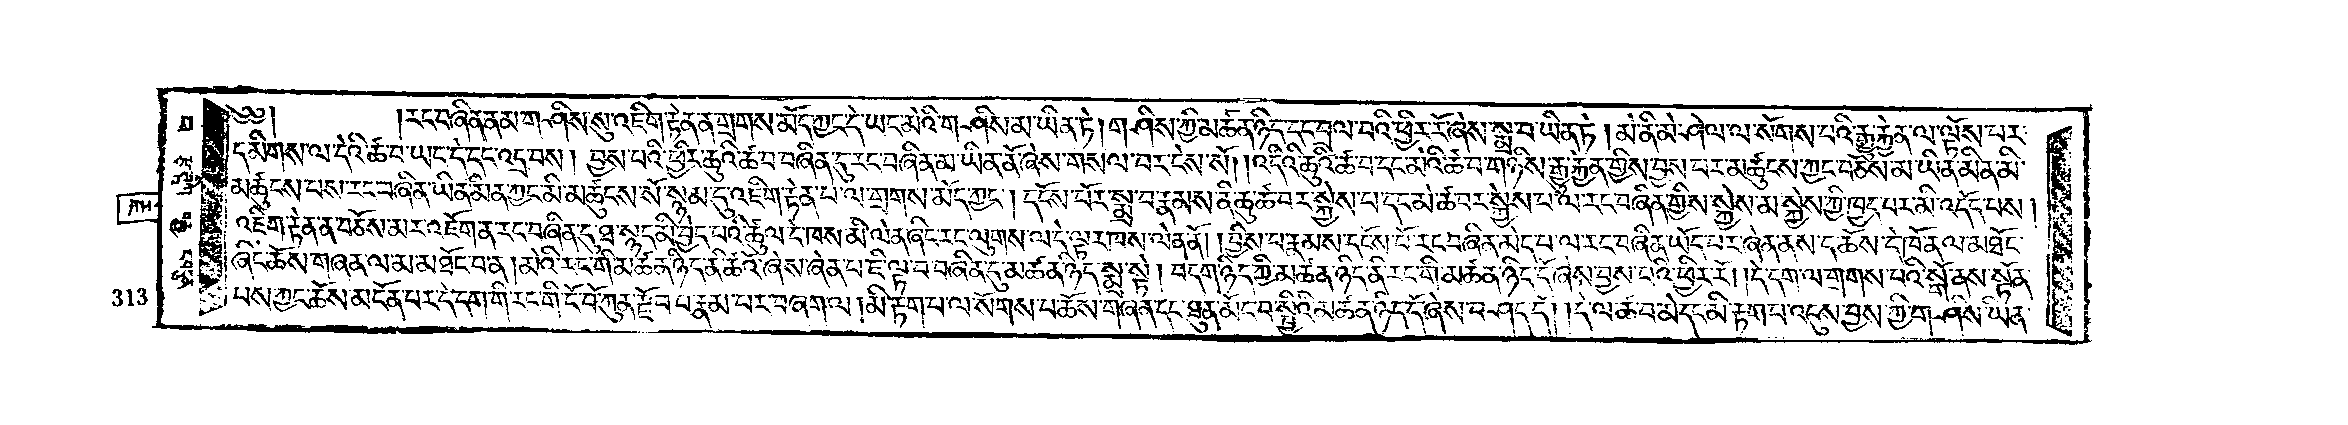༄༅། །རང་བཞིན་ནམ་གཤིས་སུ་འཇིག་རྟེན་ན་གྲགས་མོད་ཀྱང་དེ་ཡང་མེའི་གཤིས་མ་ཡིན་ཏེ། གཤིས་ཀྱི་མཚན་ཉིད་དང་བྲལ་བའི་ཕྱིར་རོ་ཞེས་སྨྲ་བ་ཡིན་ཏེ། མེ་ནི་མི་ཤལ་ལ་སོགས་པའི་རྒྱུ་རྐྱེན་ལ་ལྟོས་པར་
དམིགས་ལ་དེའི་ཚ་བ་ཡང་དེ་དང་འདྲ་བས། བྱས་པའི་ཕྱིར་ཆུའི་ཚ་བ་བཞིན་དུ་རང་བཞིན་མ་ཡིན་ནོ་ཞེས་གསལ་བར་ངེས་སོ། །འདིའི་ཆུའི་ཚ་བ་དང་མེའི་ཚ་བ་གཉིས་རྒྱུ་རྐྱེན་གྱིས་བྱ་པར་མཚུངས་ཀྱང་བཅོས་མ་ཡིན་མིན་མི་
མཚུངས་པས་རང་བཞིན་ཡིན་མིན་ཀྱང་མི་མཚུངས་སོ་སྙམ་དུ་འཇིག་རྟེན་པ་ལ་གྲགས་མོད་ཀྱང་། དངོས་པོར་སྨྲ་བ་རྣམས་ནི་ཆུ་ཚ་བར་སྐྱེས་པ་དང་མེ་ཚ་བར་སྐྱེས་པ་ལ་རང་བཞིན་གྱིས་སྐྱེས་མ་སྐྱེས་ཀྱི་ཁྱད་པར་མི་འདོད་པས།
འཇིག་རྟེན་ན་བཅོས་མར་འཇོག་ན་རང་བཞིན་དུ་ཐ་སྙད་མི་བྱེད་པའི་ཚུལ་དེ་ཁས་མི་ལེན་ཞིང་རང་ལུགས་ལ་དེ་ལྟར་ཁས་ལེན་ནོ། །བྱིས་པ་རྣམས་དངོས་པོ་རང་བཞིན་མེད་པ་ལ་རང་བཞིན་ཡོད་པར་ཞེན་ནས་ད་ཆོས་དེ་ཁོ་ན་ལ་མཐོང་
ཞིང་ཆོས་གཞན་ལ་མ་མཐོང་བ་ན། མེའི་རང་གི་མཚན་ཉིད་ནི་ཚའོ་ཞེས་ཞེན་པ་ཇི་ལྟ་བ་བཞིན་དུ་མཚན་ཉིད་སྨྲ་སྟེ། བདག་ཉིད་ཀྱི་མཚན་ཉིད་ནི་རང་གི་མཚན་ཉིད་དོ་ཞེས་བྱས་པའི་ཕྱིར་རོ། །དེ་དག་ལ་གྲགས་པའི་སྒོ་ནས་སྟོན་
པས་ཀྱང་ཆོས་མངོན་པར་དེ་དག་གི་རང་གི་ངོ་བོ་ཀུན་རྫོབ་པ་རྣམ་པར་བཞག་ལ། མི་རྟག་པ་ལ་སོགས་པ་ཆོས་གཞན་དང་ཐུན་མོང་བ་སྤྱིའི་མཚན་ཉིད་དོ་ཞེས་བཤད་དོ། །དེ་ལ་ཚ་བ་མེ་དང་མི་རྟག་པ་འདུས་བྱས་ཀྱི་གཤིས་ཡིན་